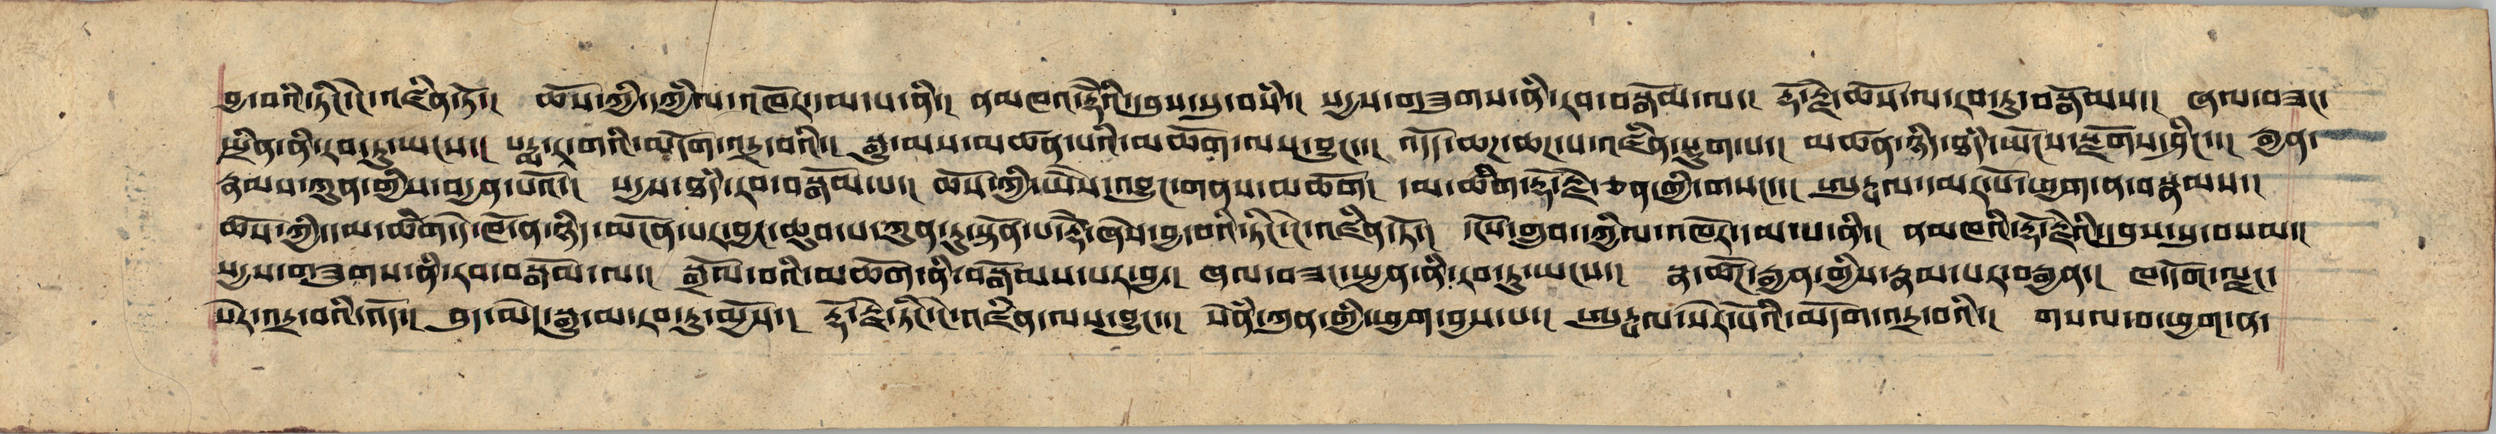བྱ་བའི་ཏི་ངེ་འཛིན་ཏོ་། ཆོས་ཀྱི་དཀྱིལ་འཁོར་དམ་པ་ནི་། ནམཁའ་རྡོེའི་དབུས་སུ་བསཾ་། སདྱས་གཟུགས་ནི་རབ་བསྒོམ་ལ་། རྡོ་རྗེ་ཆོས་ལ་རབ་ཏུ་བསྒོམས་། ཞལ་བཟང་
སྤྲིན་ནི་རབ་ཏུ་ཡངས་། པདྨ་རཱ་གའི་མདོག་འདྲ་བའི་། སྒྱུ་མས་མཚན་པའི་མཆོག་ལས་བྱུང་་། འདོད་ཆཌ་ཆཌ་པ་འཛིན་སྡུག་པ་། མཚན་ཉིད་ཐཾད་ཡོངས་སྫོགས་ཤིང་་། རྒྱན་
རྣམས་ཀུན་གྱིས་བདྱན་པའོ་། སདྱས་ཐཾད་རབ་བསྒོམ་པ་། ཆོས་ཀྱི་ཡཻས་འབྱུང་གནས་མཆོག། དམ་ཚིག་རྡོ་རྗེ་ཅན་གྱི་གསང་་། ཨུཏྤལ་དམར་པོ་ཕྱག་ན་བསྣམས་།
ཆོས་ཀྱི་དམ་ཚིག་དེ་ཁོ་ན་ཉིད་མངོན་པར་བྱང་ཆུབ་པ་ཀུན་ཏུ་སྟོན་པ་རྡོེ་ཞེས་བྱ་བའི་ཏིང་ངེ་འཛིན་ཏོ་། དངོས་གྲུབ་དཀྱིལ་འཁོར་དམ་པ་ནི་། ནམཁའི་རྡོ་རྗེའི་དབུས་སུ་བསམ་།
སདྱས་གཟུགས་ནི་རབ་བསྒོམ་ལ་། སྒྲོལ་བའི་མཆོག་ནི་བསྒོམས་པར་བྱ་། ཞལ་བཟང་སྤྱན་ནི་རབ་ཏུ་ཡངས་། སྣ་ཚོཌ་རྒྱན་གྱིས་རྣམ་པར་བརྒྱན་། ཁ་དོག་ལྗང་
སེར་འདྲ་བའི་འོད་། བུད་མེད་སྒྱུ་མ་རབ་ཏུ་མྱོས་། རྡོ་རྗེ་ཏིང་ངེ་འཛིན་ལས་བྱུང་་། སེཾན་ཀུན་གྱི་ཕྱག་བྱས་པ་། ཨུཏྤལ་སེར་པོའི་མདོག་འདྲ་བའི་། གསལ་བ་ཕྱག་ན་